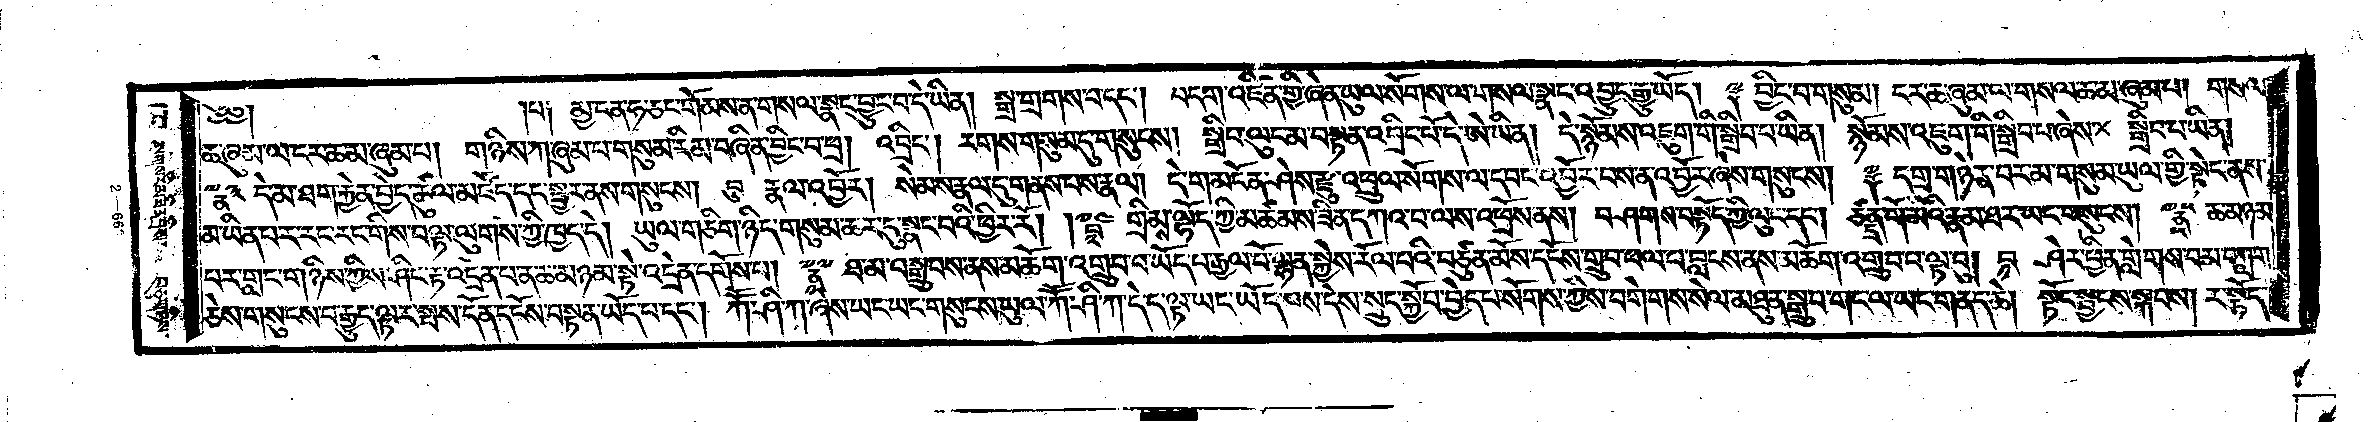༄༅། །པ༑ མྱ་ངན་ཧ་ཅང་གོམས་ན་གསལ་སྣང་བྱུང་བ་དེ་ཡིན། སྒྲ་གྲགས་པ་དང་། བདག་འཛིན་གྱི་ཞེན་ཡུལ་སོགས་ལ་གསལ་སྣང་འབྱུང་རྒྱུ་ཡོད། ༈ བྱིང་བ་གསུམ། ངར་ཆ་ཞུམ་ལ་གསལ་ཆ་མ་ཞུམ་པ། གསལ་
ཆ་ཞུམ་ལ་ངར་ཆ་མ་ཞུམ་པ། གཉིས་ཀ་ཞུམ་པ་གསུམ་རིམ་བཞིན་བྱིན་བ་ཕྲ། འབྲིང་། རགས་གསུམ་དུ་གསུངས། སྒྲིབ་ལུང་མ་བསྟན་འབྲིང་པོ་དེ་ཨེ་ཡིན། དེ་སྙོམས་འཇུག་གི་སྒྲིབ་པ་ཡིན། སྙོམས་འཇུག་གི་སྒྲིབ་པ་ཞེས་྾་སྒྲིབ་པ་ཡིན།
༧༣ན་དེ་མ་ཐག་རྐྱེན་བྱེད་ཚུལ་མཛེད་དང་སྦྱར་ནས་གསུངས། བ༦་རྣལ་འབྱོར། སེམས་རྣལ་དུ་གནས་པས་རྣལ། དེ་ག་མངོན་ཤེས་རྫུ་འཕྲུལ་སོགས་ལ་དབང་འབྱོར་བས་ན་འབྱོར་ཞེས་གསུངས། ༈ དགྲ་གཉེན་པར་མ་གསུམ་ཡུལ་གྱི་སྟེང་ནས་
མ་ཡིན་པར་རང་རང་གིས་བལྟ་ལུགས་ཀྱི་ཁྱད་དེ། ཡུལ་གཅིག་ཉིད་གསུམ་ཆར་དུ་སྣང་བའི་ཕྱིར་རོ། །༧༤བ༢་གྲིམས་ལྷོད་ཀྱི་མཚམས་ཟིན་དཀའ་བ་ལས་འཕྲོས་ནས། བཤགས་བསྟོད་ཀྱི་ལུང་དང་། ཙྣྡྲ་གོ་མའི་རྣམ་ཐར་ཡང་གསུངས། ༧༥ན༥་ཆ་མཉམ་
པར་གླང་གཉིས་ཀྱིས་ཤིང་རྟ་འདྲེན་པ་ན་ཆ་མཉམ་སྟེ་འདྲེན་དགོས་པ། ༧༧ན༢་ཐ་མ་བསྒྲུབས་ནས་མཆོག་འགྲུབ་པ་ཡོད་པ་རྒྱལ་པོ་ལྷན་སྐྱེས་རོལ་བའི་བཙུན་མོས་དངོས་གྲུབ་ཕལ་བ་བླངས་ནས་མཆོག་འགྲུབ་པ་ལྟ་བུ། བ༡་ཤེར་ཕྱིན་གླེགས་བམ་བཀླག་
ཅེས་གསུངས་པ་རྒྱུད་ལྟར་སྦས་དོན་དངོས་བསྟན་ཡོད་པ་དང་། ཀཽ་ཤི་ཀ་ཞེས་ཡང་ཡང་གསུངས་ཡུལ་ཀཽ་ཤི་ཀ་དེ་ད་ལྟ་ཡང་ཡོད་པས་དེས་སྲུང་སྐྱོབ་བྱེད་པ་སོགས་ཀྱིས་བགེགས་སེལ་མཐུན་སྒྲུབ་གང་ལ་ཡང་གནད་ཆེ། སྟོང་སྦྱངས་སྐབས། ར་སྟོད་